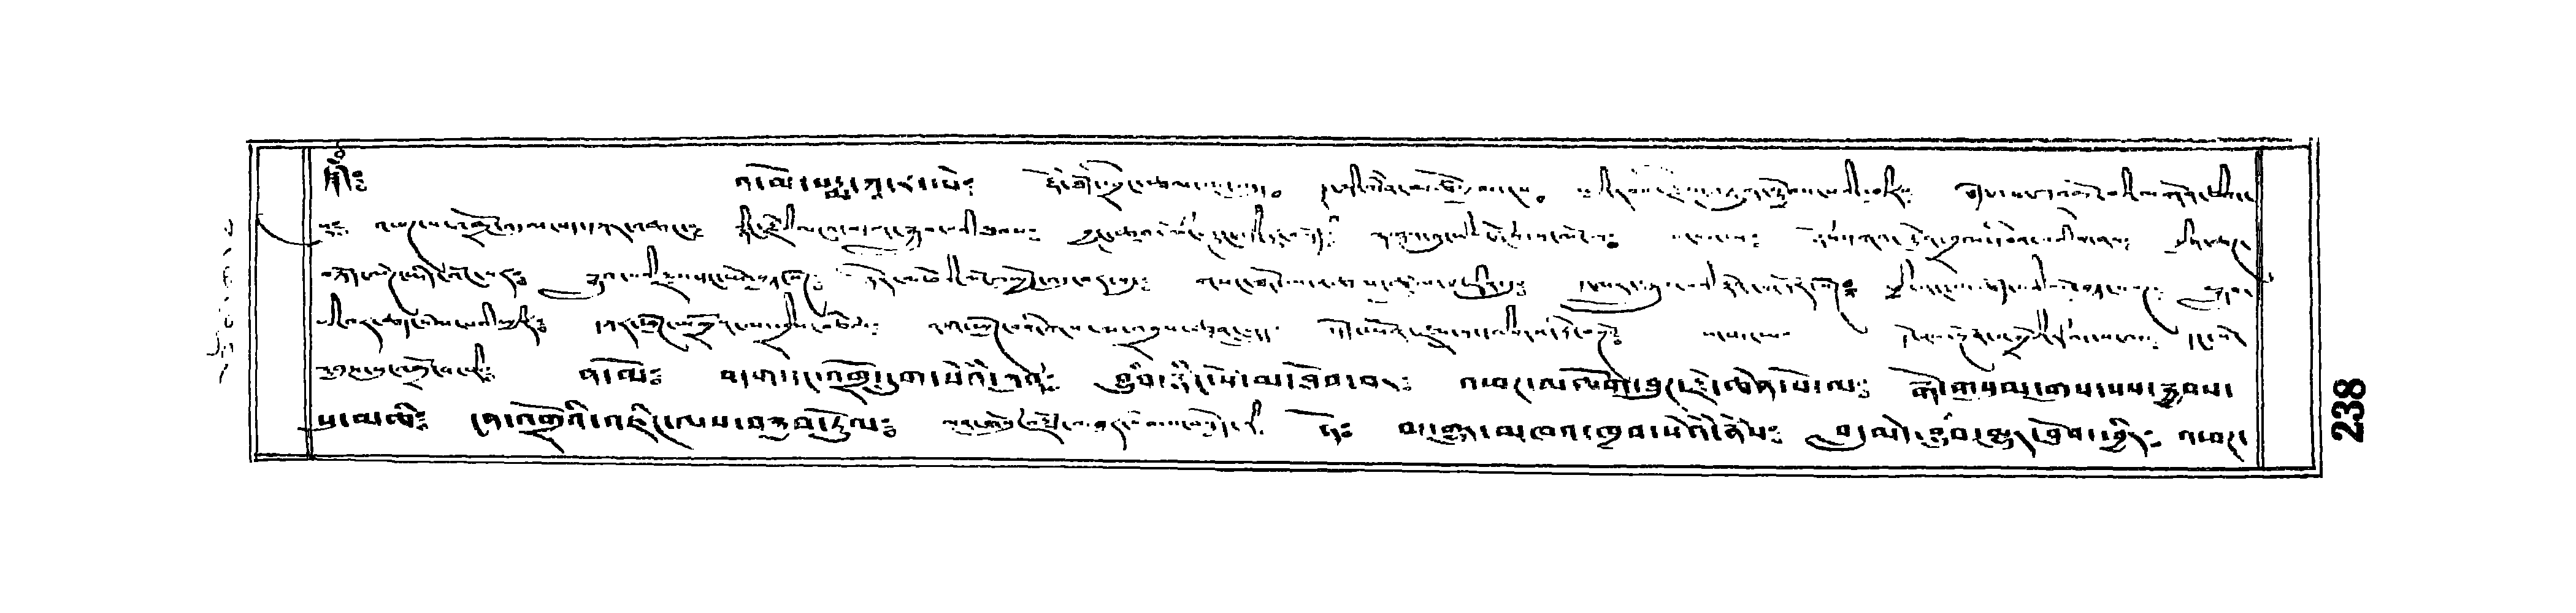ན་མོ་པདྨ་ཀཱ་ར་ཡེ༔ རྡོ་རྗེ་ཐོད་ཕྲེང་རྩལ་ལ་འདུད༔ ཌཱ་ཀི་བདེ་ཆེན་མཚོ་རྒྱལ་ངས༔ ཕྱི་རབས་རྗེས་འཇུག་སྐྱོབ་པའི་ཕྱིར༔ བོད་འབངས་འགྲོ་བའི་མགོན་ཅིག་
པུ༔ འཕགས་པ་འགྲོ་འདུལ་པད་དཀར་འཆང༔ སྙིང་རྗེའི་མངའ་བདག་སྒྲུབ་པའི་ཐབས༔ བྱང་ཆུབ་ལམ་བཟང་འདི་རུ་བཀོད༔ སྐལ་ལྡན་བུ་ཡིས་ཉམས་སུ་ལོངས༔ ས་མ་ཡ༔ ཉམས་དགའ་སྐྱོན་བྲལ་དབེན་པའི་གནས༔ བྱིན་ཆགས་
བཀོད་ལེགས་ཡིད་འོང་སར༔ སྒྲུབ་པའི་རྫས་དང་ཡོ་བྱད་སོགས༔ ཉེར་མཁོའི་ལོངས་སྤྱོད་འདུ་བར་བྱ༔ གསང་སྒོ་མ་འཆལ་ཚུལ་བཞིན་དུ༔ བདེ་སར་སྒྲུབ་པའི་རྟེན་གཏོར་སོགས༔ ཕྱི་ནང་མཆོད་པའི་ཡོ་བྱད་བསག༔ སྒྲུབ་
པའི་བར་ཆད་སེལ་པའི་ཕྱིར༔ དཀར་ཕྱོགས་མགྲོན་ལ་ཕྲིན་ལས་བཅོལ༔ ནག་ཕྱོགས་བགེགས་ལ་འབྲས་ཆན་གླུད༔ འདོད་ཡོན་རྫས་སུ་དམིགས་ཏེ་བསྔོ༔ ས་མ་ཡ༔ དེ་ནས་སྔོན་འགྲོའི་རིམ་པ་ལ༔ དང་པོ་
སྐྱབས་སུ་འགྲོ་བ་ནི༔ ན་མོ༔ བདག་དང་འགྲོ་དྲུག་སེམས་ཅན་ཀུན༔ བྱང་ཆུབ་སྙིང་པོ་མ་ཐོབ་བར༔ འཕགས་མཆོག་ཐུགས་རྗེ་ཆེན་པོ་ལ༔ སྒོ་གསུམ་གུས་པས་སྐྱབས་
སུ་མཆི༔ ངན་འགྲོའི་འཇིགས་ལས་བསྐྱབ་ཏུ་གསོལ༔ ལན་གསུམ་བརྗོད་མཐར་སེམས་བསྐྱེད་ནི༔ ཧོཿ མ་གྱུར་མཁའ་ཁྱབ་སེམས་ཅན་རྣམས༔ བླ་མེད་བྱང་ཆུབ་མྱུར་འཐོབ་ཕྱིར༔ འཕགས་